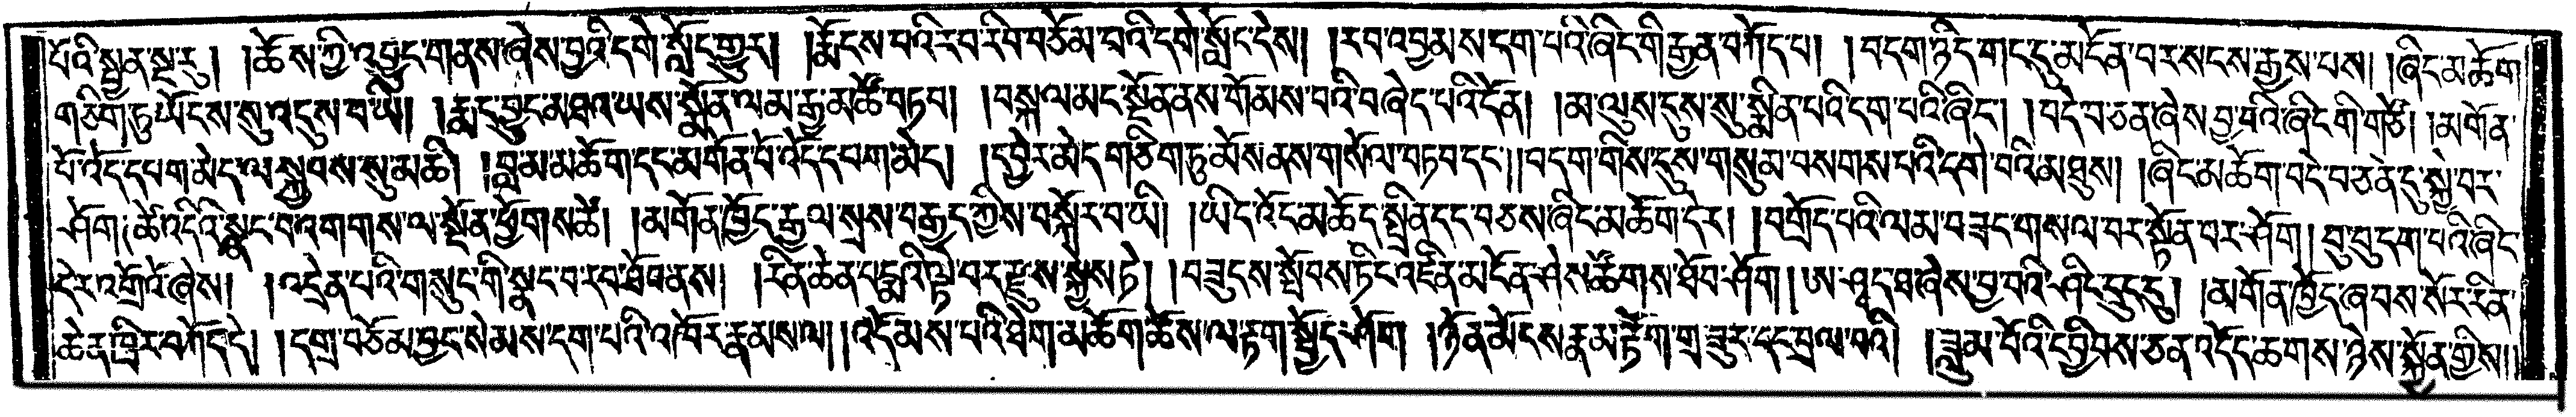པོའི་སྤྱན་སྔ་རུ། །ཆོས་ཀྱི་འབྱུང་གནས་ཞེས་བྱའི་དགེ་སློང་གྱུར། །རྨོངས་པའི་རབ་རིབ་བཅོམ་བའི་དགེ་སློང་དེས། །རབ་འབྱམས་དག་པའི་ཞིང་གི་རྒྱན་བཀོད་པ། །བདག་ཉིད་གང་དུ་མངོན་པར་སངས་རྒྱས་པས། །ཞིང་མཆོག་
གཅིག་ཏུ་ཡོངས་སུ་འདུས་བ་ཡི། །རྨད་བྱུང་མཐའ་ཡས་སྨོན་ལམ་རྒྱ་མཚོ་བཏབ། །བསྐལ་མང་སྔོན་ནས་གོམས་པའི་བཞེད་པའི་དོན། །མ་ལུས་དུས་སུ་སྨིན་པའི་དག་པའི་ཞིང་། །བདེ་བ་ཅན་ཞེས་བྱ་བའི་ཞིང་གི་གཙོ། །མགོན་
པོ་འོད་དཔག་མེད་ལ་སྐྱབས་སུ་མཆི། །བླ་མ་མཆོག་དང་མགོན་པོ་འོད་དཔག་མེད། །དབྱེར་མེད་གཅིག་ཏུ་མོས་ནས་གསོལ་བཏབ་དང་། །བདག་གིས་དུས་གསུམ་བསགས་པའི་དགེ་བའི་མཐུས། །ཞིང་མཆོག་བདེ་བ་ཅེན་དུ་སྐྱེ་བར་
ཤོག༑ ཚེ་འདིའི་སྣང་བ་འགགས་ལ་སྔོན་ཕྱོགས་ཚེ། །མགོན་ཁྱོད་རྒྱལ་སྲས་བརྒྱད་ཀྱིས་བསྐོར་བ་ཡི། །ཡིད་འོང་མཆོད་སྤྲིན་དང་བཅས་ཞིང་མཆོག་དེར། །བགྲོད་པའི་ལམ་བཟང་གསལ་བར་སྟོན་པར་ཤོག །བུ་བུ་དག་པའི་ཞིང་
དེར་འགྲོའི་ཞེས། །འདྲེན་པའི་གསུང་གི་སྣང་བར་ཐོབ་ནས། །རིན་ཆེན་པདམའི་ལྟེ་བར་རྫུ་ས་སྐྱེས་ཏེ། །བཟུངས་སྤོབས་ཏིང་འཛིན་མངོན་ཤེས་ཚོགས་ཐོབ་ཤོག། ཨ་ཤྭད་ཐ་ཞེས་བྱ་བའི་ཤིང་དྲུང་དུ། །མགོན་ཁྱོད་ཞབས་སོར་རིན་
ཆེན་ཁྲིར་བཀོད་དེ། །དགྲ་བཅོམ་བྱང་སེམས་དག་པའི་འཁོར་རྣམས་ལ། །འདོམས་པའི་ཐེག་མཆོག་ཆོས་ལ་རྟག་སྦྱོད་ཤོག །ཉོན་མོངས་རྣམ་རྟོག་གྲ་ཟུར་དང་བྲལ་བའི། །ཟླུམ་བོའི་དབྱིབས་ཅན་འདོད་ཆགས་ཉེས་སྐྱོན་གྱིས། །